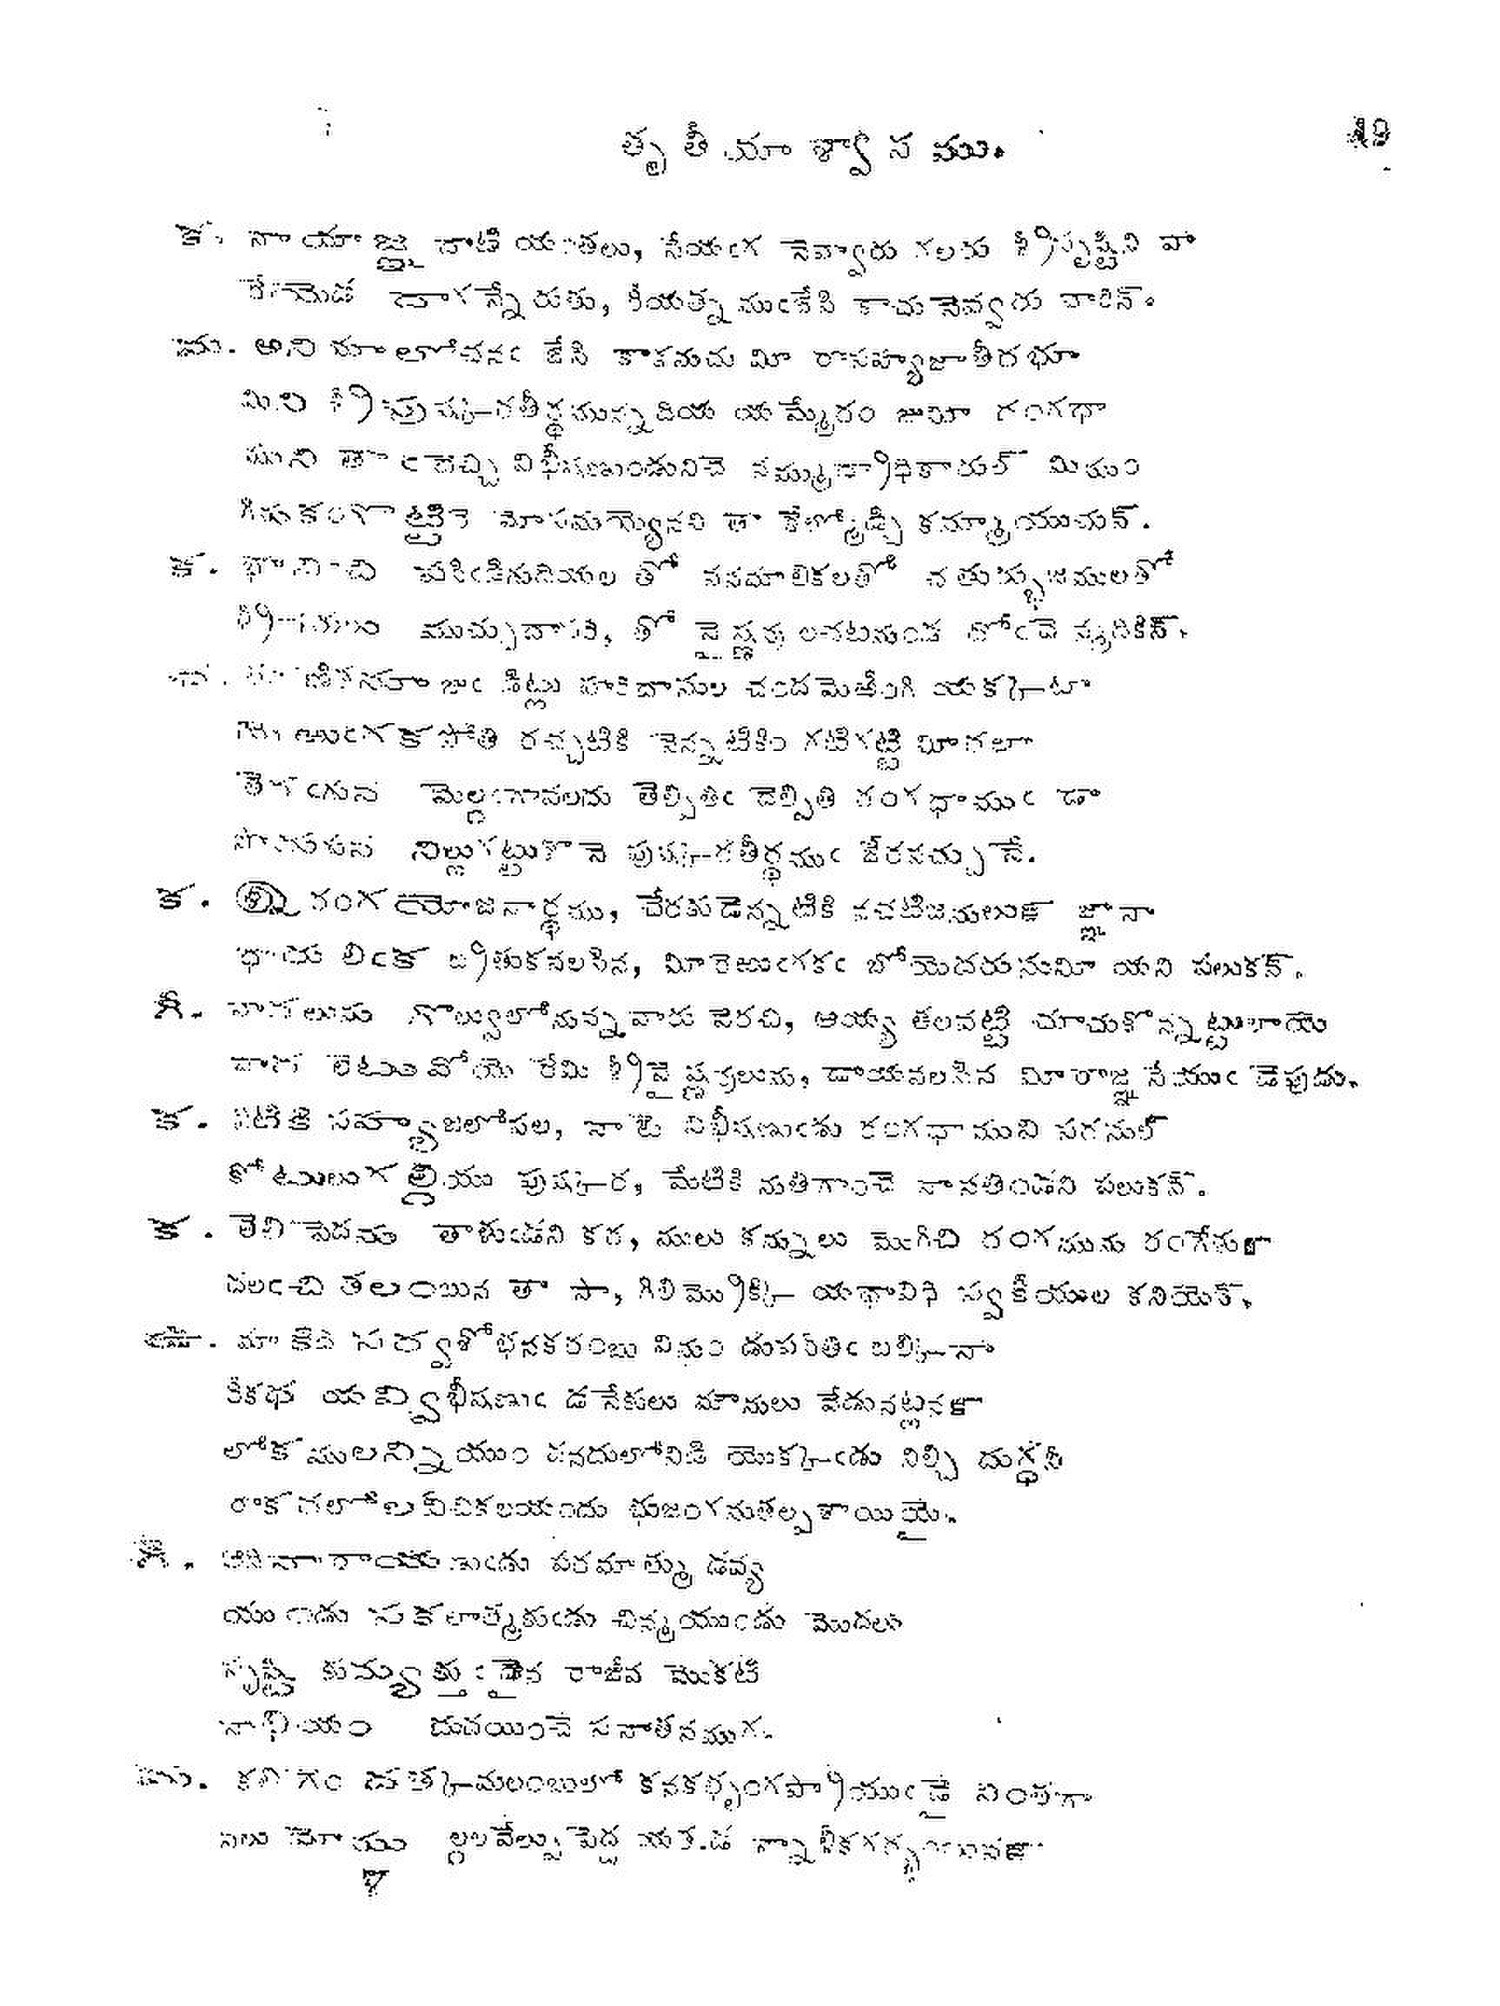క. నాయాజ్ఞ దాటి యంతలు, సేయఁగ నెవ్వారు గలరు శ్రీసృష్టిని వా
 రేయెడ దాగన్నేరుతు, రీయత్నముఁ జేసి కాచు నెవ్వరు వారిన్.
మ. అని యాలోచనఁ జేసి కాకనుచు మీ రాసహ్యజాతీరభూ
 మిని శ్రీపుష్కరతీర్థ మున్నదియ యమ్మేరం జుమీ రంగధా
 ముని తాఁ దెచ్చి విభీషణుం డునిచె నమ్ముద్రాధికారుల్ మిముం
 గినుకంగొట్టిరె మోసమయ్యెనని తా కేల్మోడ్చి కన్మూయుచున్.
క. భావించి పసిఁడిగుదియలతో నవమాలికలతో చతుర్భుజములతో
 శ్రీవరులు ముచ్చుదాసరి, తో వైష్ణవు లచటనుండ దోఁచె న్మదికిన్.
చ. తరణితనూజుఁ డిట్లు హరిదాసుల చంద మెఱింగి యక్కటా
 యెఱుఁగక పోతి రచ్చటికి నెన్నటికిం గఱిగట్టి మీరలా
 తెరఁగున మెల్గఁగావలదు తెల్పితిఁ దెల్పితి రంగధాముఁ డా
 పొరుగున నిల్లుగట్టుకొనె పుష్కరతీర్థముఁ జేరవచ్చునే.
క. శ్రీరంగయోజనార్థము, చేరకు డెన్నటికి నచటిజనులున్ జ్ఞానా
 ధారు లిఁక బ్రతుకవలసిన, మీరెఱుఁగకఁ బోయెదరుసుమీ యని పలుకన్.
గీ. వారలును గొల్వులో నున్నవారు వెరచి, అయ్య తలవట్టి చూచుకొన్నట్టులాయె
 వార లెటు వోయె రేమి శ్రీవైష్ణవులును, డాయవలసిన మీరాజ్ఞ సేయుఁ డెపుడు.
క. వీటికి సహ్యజలోపల, నాటె విభీషణుడు రంగధాముని సరసుల్
 కోటులుగల్గియు పుష్కర, మేటికి నుతిగాంచె నానతిండని పలుకన్.
క. తెలిపెదను తాళుఁడని కర, ములు కన్నులు మొగిచి రంగమును రంగేశున్
 దలఁచి తలంబున తా సా, గిలి మ్రొక్కి యథావిధి స్వకీయుల కనియెన్.
ఉ. మా కేిది సర్వశోభనకరంబు వినుం డుపనీతిఁ బల్కినా
 రీకథ యవ్విభీషణుఁ డనేకులు మౌనులు వేడునట్లనన్
 లోకములన్నియుం దనదులోనిడి యొక్కఁడు నిల్చి దుగ్ధనీ
 రాకచలోలవీచికలయందు భుజంగమతల్పశాయియై.
గీ. ఆదినారాయణుఁడు పరమాత్ముఁ డవ్య
 యుండు సకలాత్మకుఁడు చిన్మయుఁడు మొదలు
 సృష్టి కుద్యుక్తుఁడైన రాజీవ మొకటి
 నాభియం దుదయించె సనాతనముగ.
మ. కలిగెం దత్కమలంబులో కనకభృంగప్రాయుఁడై వింతగా
 నలుమోము ల్గల వేల్పుపెద్ద యతఁ డన్నాళీకగర్భంబునన్